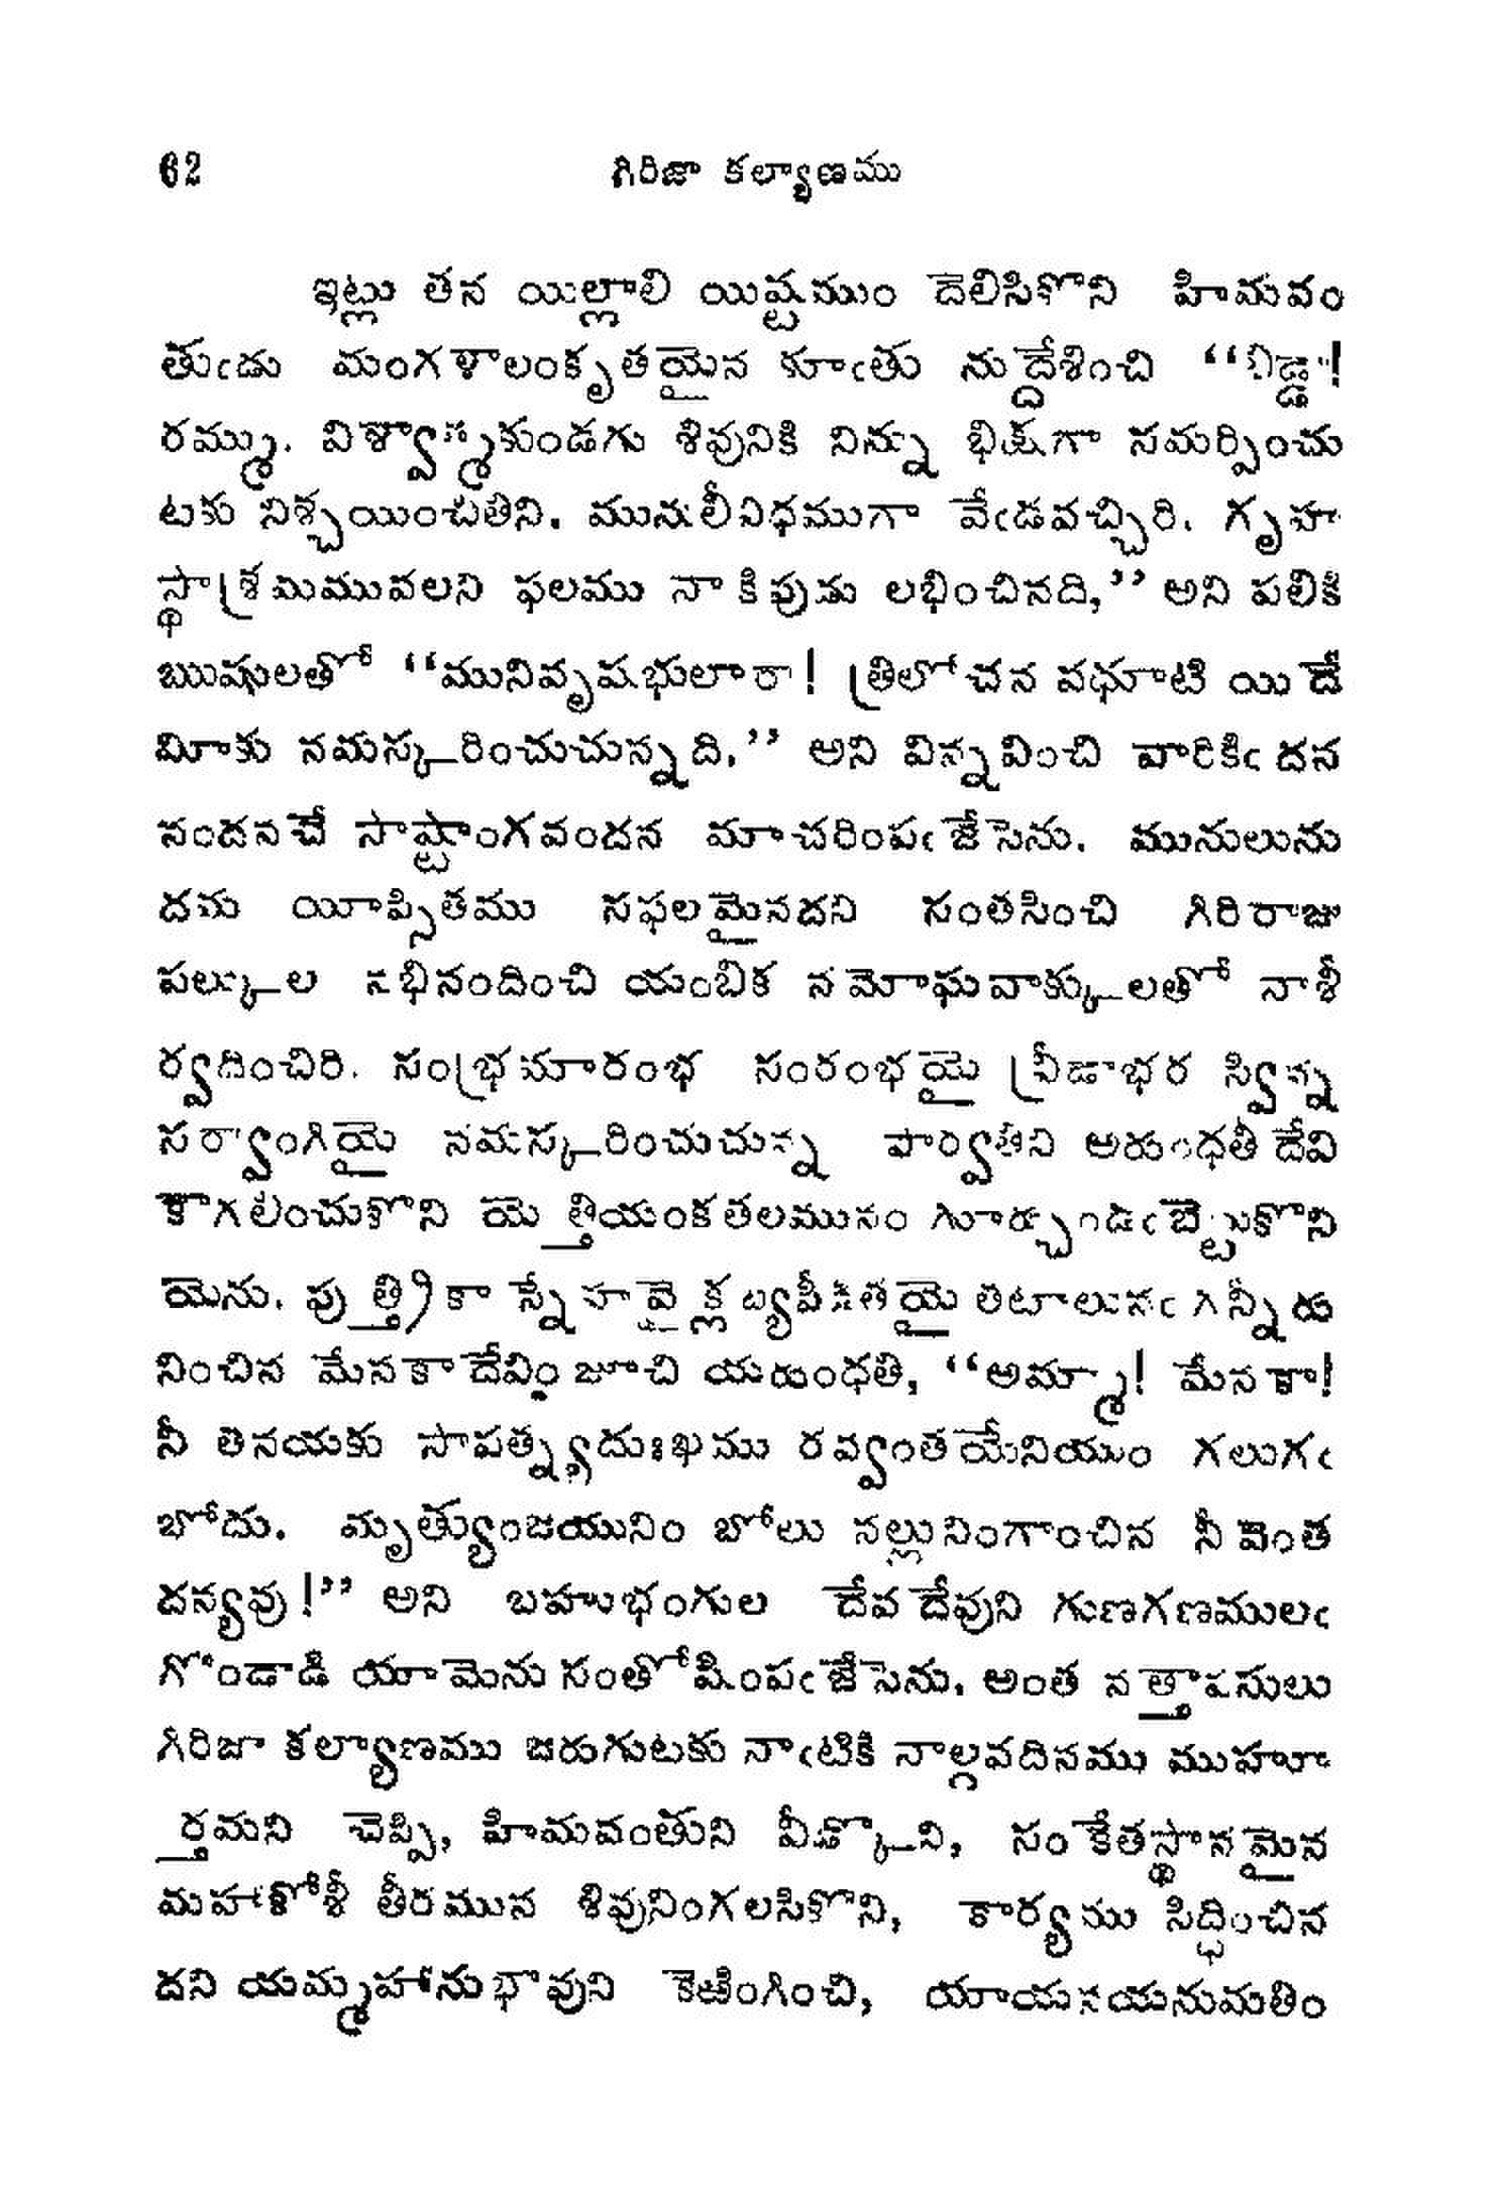ఇట్లు తన యిల్లాలి యిష్టముం దెలిసికొని హిమవంతుఁడు మంగళాలంకృతయైన కూఁతు నుద్దేశించి "బిడ్డా! రమ్ము. విశ్వాత్మమ్మకుండగు శివునికి నిన్ను భిక్షగా సమర్పించుటకు నిశ్చయించితిని. మునులీ విధముగా వేఁడవచ్చిరి. గృహ
స్థాశ్రమమువలన ఫలము నా కిపుడు లభించినది," అని పలికి ఋషులతో “మునివృషభులారా! త్రిలోచన వధూటి యిదే
మీకు నమస్కరించుచున్నది. " అని విన్నవించి వారికిఁ దన నందనచే సాష్టాంగవందన మాచరింపఁజేసెను. మునులును
దమ యీప్సితము సఫలమైనదని సంతసించి గిరిరాజు పల్కుల నభినందించి యంబిక నమోఘవాక్కులతో నాశీర్వదించిరి. సంభ్రమారంభ సంరంభయై వ్రీడాభర స్విన్న సర్వాంగియై నమస్కరించుచున్న పార్వతిని అరుంధతీ దేవి కౌగలించుకొని యెత్తి యంకతలమునం గూర్చుండఁబెట్టుకొనియెను. పుత్త్రికా స్నేహవైక్ల బ్యపీడతయై తటాలునఁ గన్నీరు నించిన మేనకా దేవిం జూచి యరుంధతి, “అమ్మా! మేనకా! నీ తనయకు సాపత్న్యదుఃఖము రవ్వంతయేనియుం గలుగబోదు. మృత్యుంజయునిం బోలు నల్లునింగాంచిన నీ వెంత దన్యవు !” అని బహుభంగుల దేవ దేవుని గుణగణములఁ గోండాడి యామెను సంతోషింపఁజేసెను. అంత నత్తా పసులు గిరిజా కల్యాణము జరుగుటకు నాఁటికి నాల్గవదినము ముహూర్తమని చెప్పి, హిమవంతుని వీక్కొని, సంకేతస్థానమైన మహాకొశీ తీరమున శివునింగలసికొని, కార్యము సిద్ధించినదని యమ్మహానుభావుని కెఱింగించి, యాయన యనుమతిం